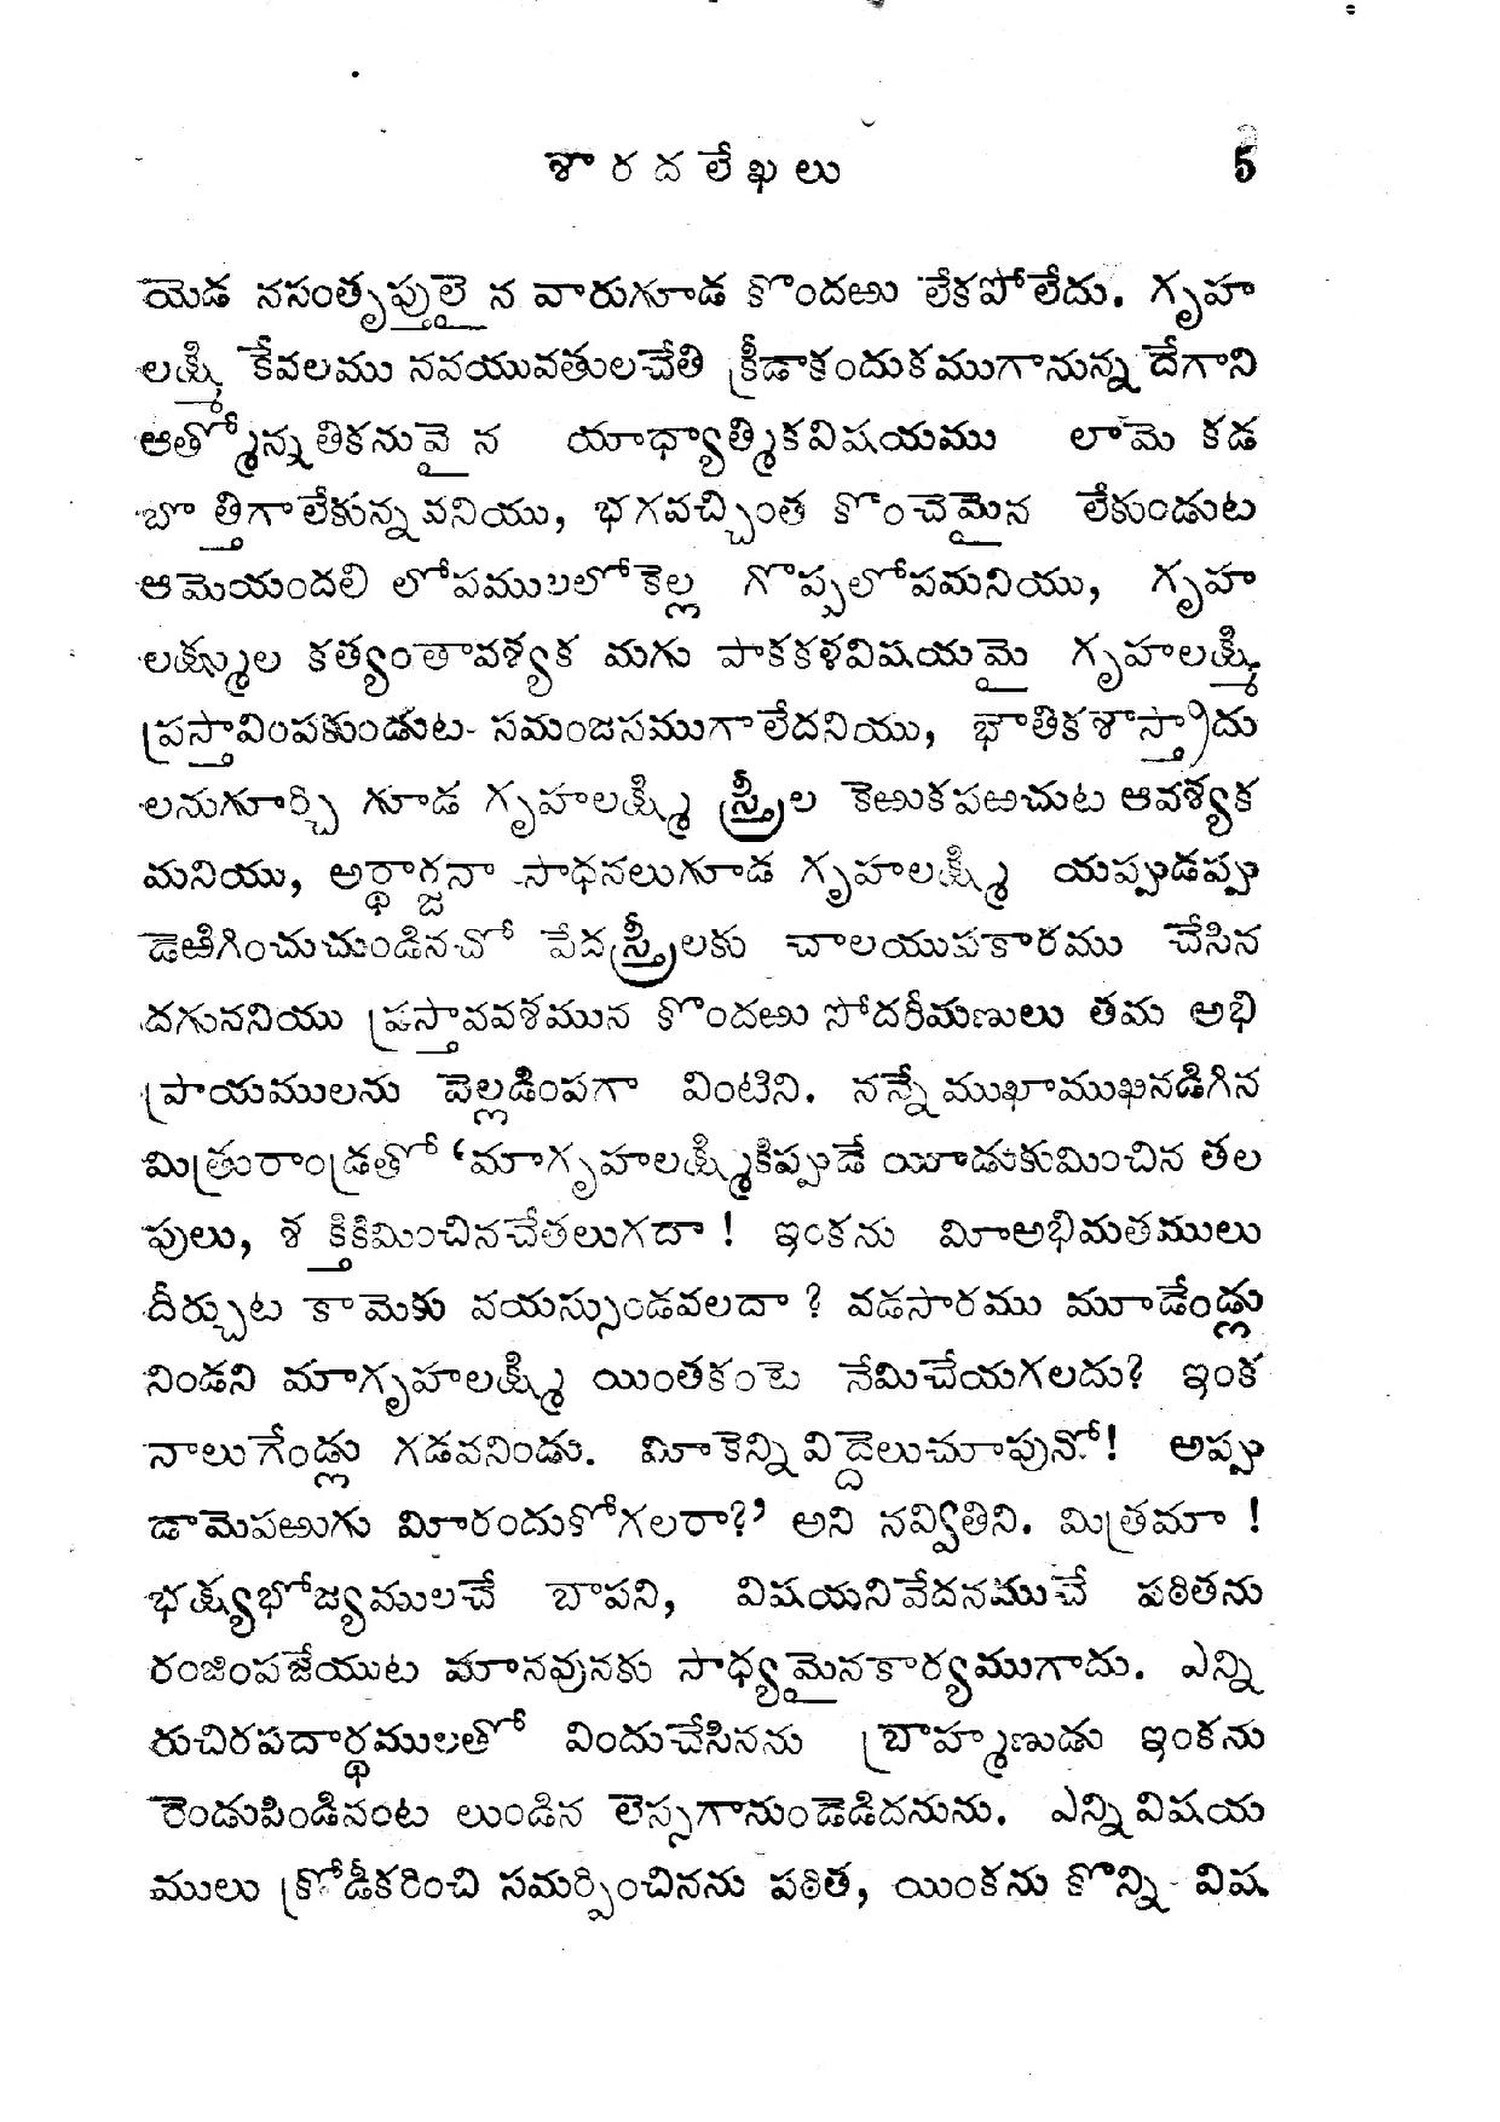యెడ నసంతృప్తులై న వారుగూడ కొందఱు లేకపోలేదు. గృహ 
లక్ష్మి కేవలము నవయువతులచేతి క్రీడాకందుకముగానున్న దేగాని
ఆత్మోన్న తికనువైన యాధ్యాత్మిక విషయము లామె కడ 
“బొత్తిగా లేకున్న వనియు, భగవచ్చింత కొంచెమైన లేకుండుట ఆమెయందలి లోపములలోకెల్ల గొప్పలోవమనియు, గృహ 
లక్ష్ముల కత్యంతావశ్యక మగు పాకకళవిషయమై గృహలక్ష్మి ప్రస్తావింపకుండుట సమంజసముగా లేదనియు, భౌతికశాస్త్రాదు లనుగూర్చి గూడ గృహలక్ష్మి స్త్రీల కెఱుకపఱచుట ఆవశ్యక 
మనియు, అర్థార్జనా సాధనలు గూడ గృహలక్ష్మి యప్పుడప్పు డెఱిగించుచుండినచో పేదస్త్రీలకు చాలయుపకారము చేసిన దగుననియు ప్రస్తావవశమున కొందఱు సోదరీమణులు తమ అభి ప్రాయములను వెల్లడింపగా వింటిని. నన్నే ముఖాముఖినడిగిన మిత్రురాండ్రతో 'మాగృహలక్ష్మికిప్పుడే యీడుకుమించిన తల 
పులు, శ క్తికిమించిన చేతలుగదా! ఇంకను మీ అభిమతములు దీర్చుట కామెకు వయస్సుండవలదా ? వడసారము మూడేండ్లు నిండని మాగృహలక్ష్మి యింతకంటె నేమిచేయగలదు? ఇంక నాలుగేండ్లు గడవనిండు. మీకెన్ని విద్దెలుచూపునో! అప్పు డామెపఱుగు విూరందుకోగలరా?' అని నవ్వితిని. మిత్రమా ! భక్ష్యభోజ్యములచే బాపని, విషయని వేదనము చే పఠితను రంజింపజేయుట మానవునకు సాధ్యమైన కార్యముగాదు. ఎన్ని రుచిర పదార్థములతో విందు చేసినను బ్రాహ్మణుడు ఇంకను రెండుపిండివంట లుండిన లెస్సగానుండెడిదనును. ఎన్ని విషయ ములు క్రోడీకరించి సమర్పించినను పఠిత, యింకను కొన్ని విష